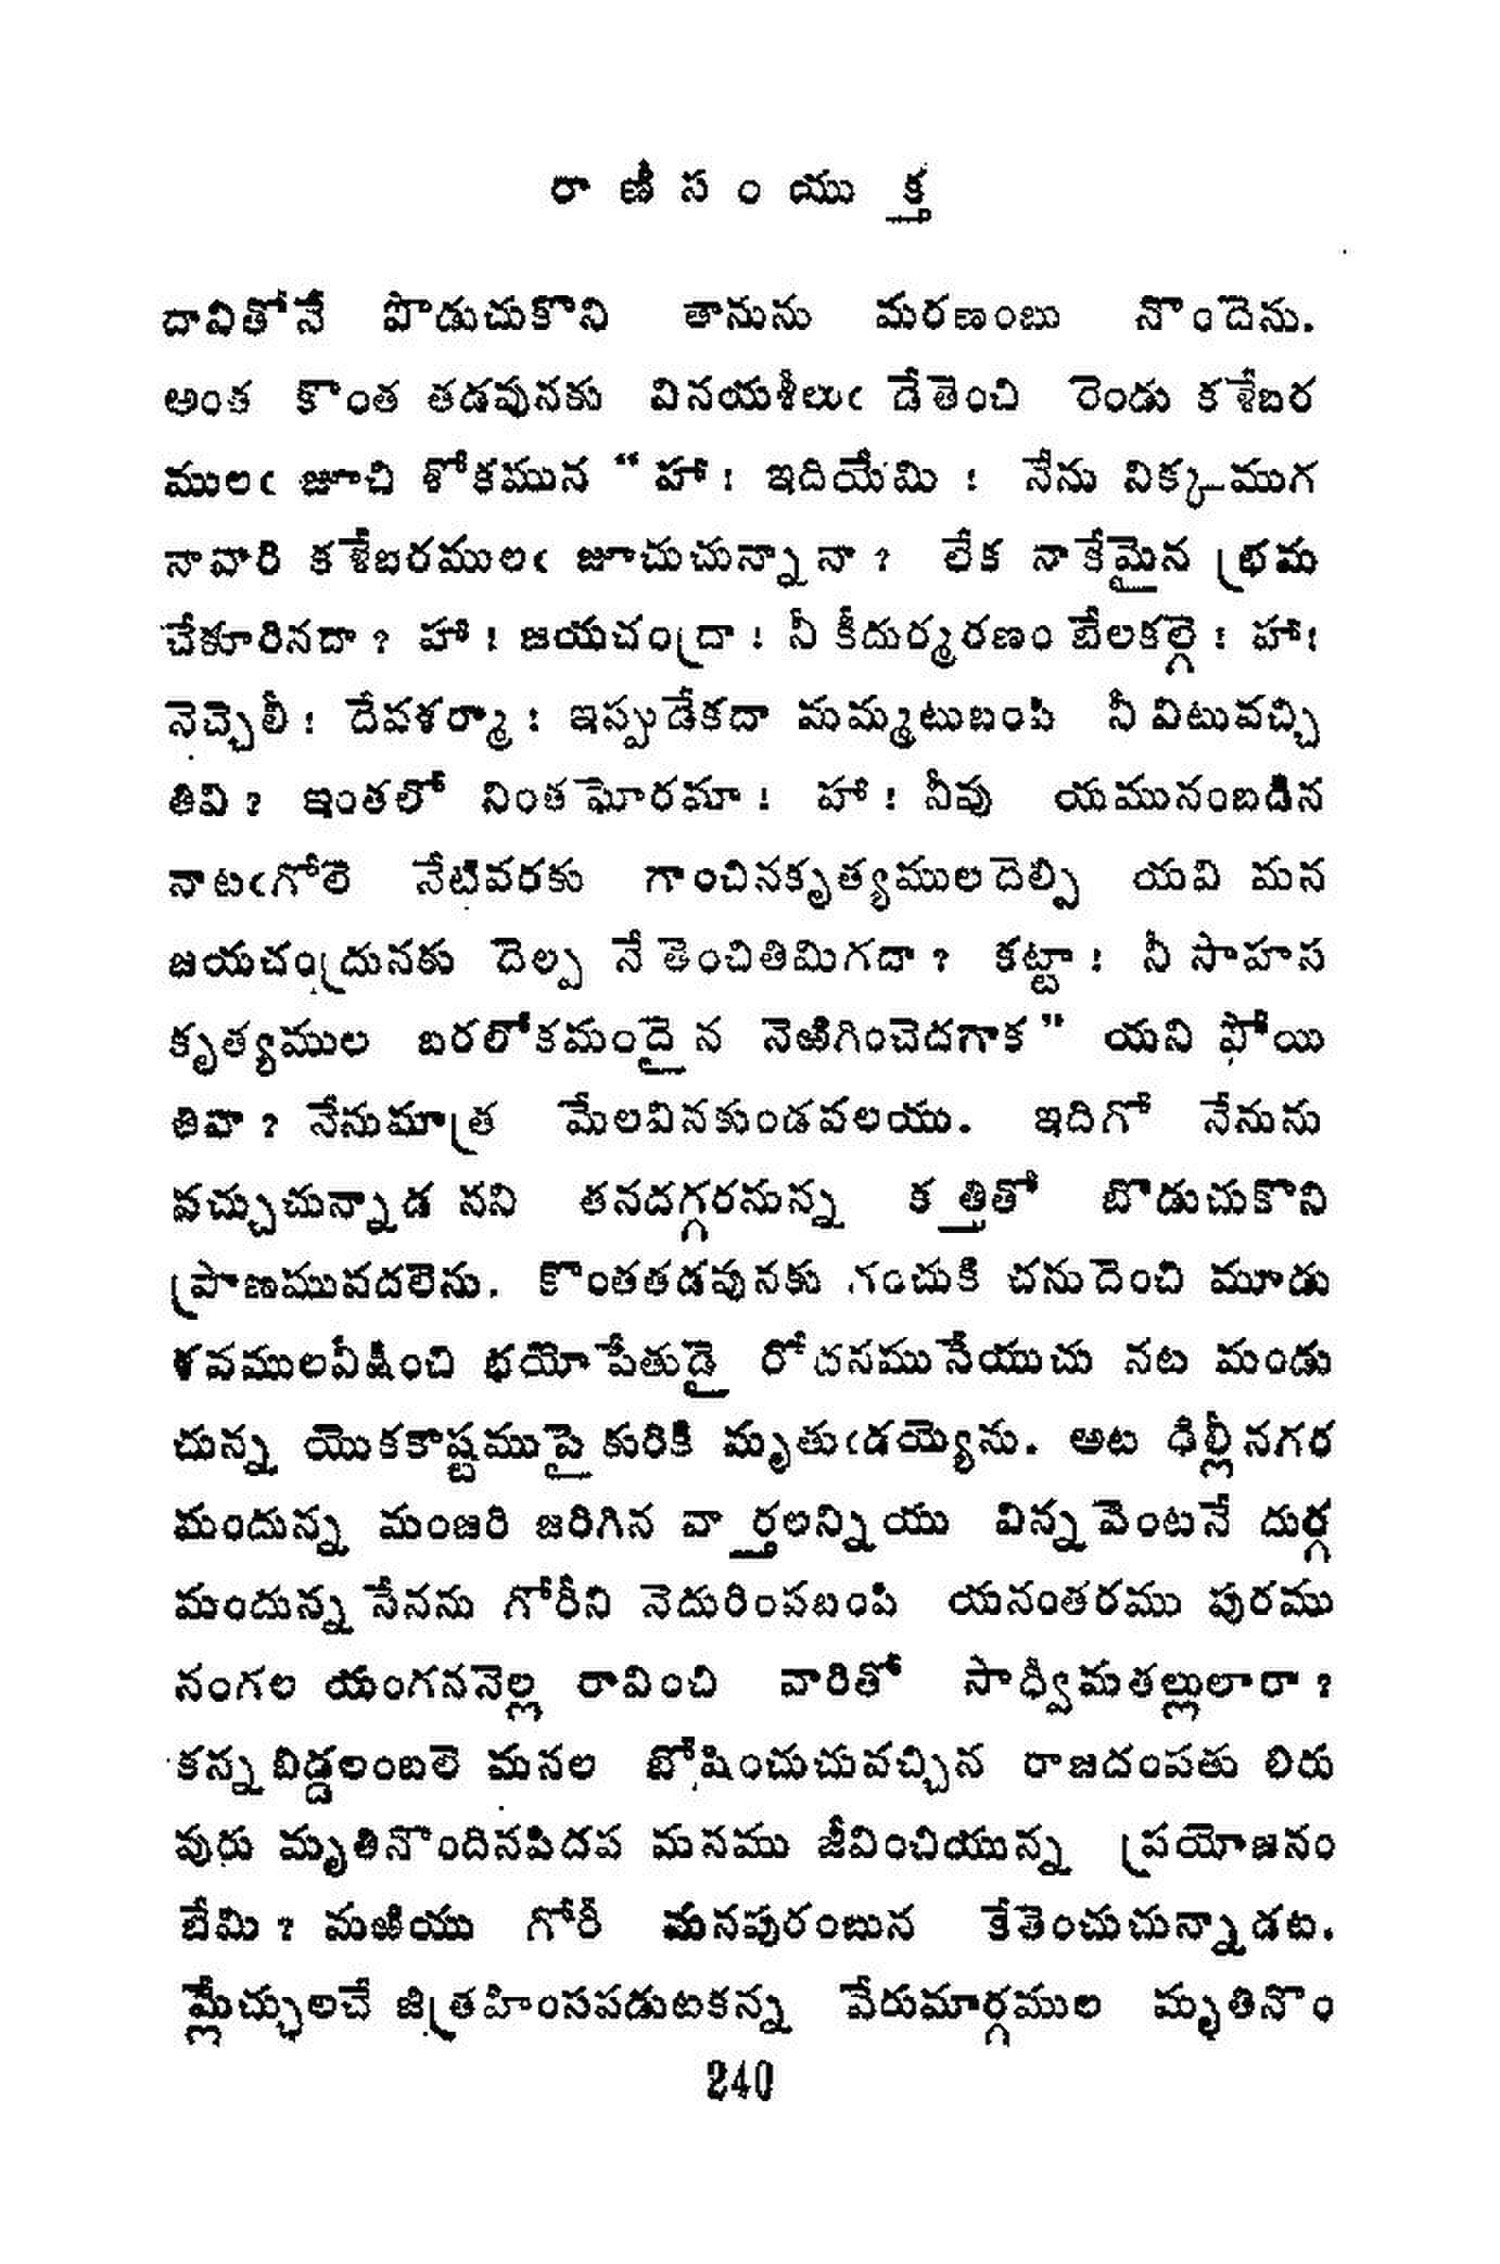దానితోనే పొడుచుకొని తానును మరణంబు నొందెను. అంత కొంత తడవునకు వినయశీలుఁ డేతెంచి రెండు కళేబరములఁ జూచి శోకమున “హా! ఇదియేమి ! నేను నిక్కముగ నావారి కళేబరములఁ జూచుచున్నానా ? లేక నాకేమైన భ్రమ చేకూరినదా ? హా ! జయచంద్రా ! నీ కీదుర్మరణం బేలకల్గె ! హా! నెచ్చెలీ : దేవశర్మా : ఇప్పుడేకదా మమ్మటుబంపి నీ విటువచ్చితివి? ఇంతలో నింతఘోరమా ! హా ! నీవు యమునంబడిన నాటఁగోలే నేటివరకు గాంచినకృత్యముల దెల్పి యవి మన జయచంద్రునకు దెల్ప నేతెంచితిమిగదా ? కట్టా ! నీ సాహస కృత్యముల బరలోకమందైన నెఱిగించెదగాక" యని పోయితివా? నేనుమాత్ర మేలవినకుండవలయు. ఇదిగో నేనును వచ్చుచున్నాడ నని తనదగ్గరనున్న కత్తితో బొడుచుకొని ప్రాణమువదలెను. కొంతతడవునకు గంచుకి చనుదెంచి మూడు శవములవీక్షించి భయోపేతుడై రోదసము సేయుచు నట మండుచున్న యొకకాష్టముపై కురికి మృతుఁడయ్యెను. అట ఢిల్లీ నగర మందున్న మంజరి జరిగిన వార్తలన్నియు విన్న వెంటనే దుర్గమందున్న నేనను గోరీని నెదురింపబంపి యనంతరము పురమునంగల యంగననెల్ల రావించి వారితో సాధ్వీమతల్లులారా ! కన్న బిడ్డలంబలె మనల బోషించుచువచ్చిన రాజదంపతు లిరువురు మృతినొందినపిదప మనము జీవించియున్న ప్రయోజనం బేమి ? మఱియు గోరీ మనపురంబున కేతెంచుచున్నాడట. మ్లేచ్ఛులచే జిత్రహింసపడుటకన్న వేరుమార్గముల మృతినొం